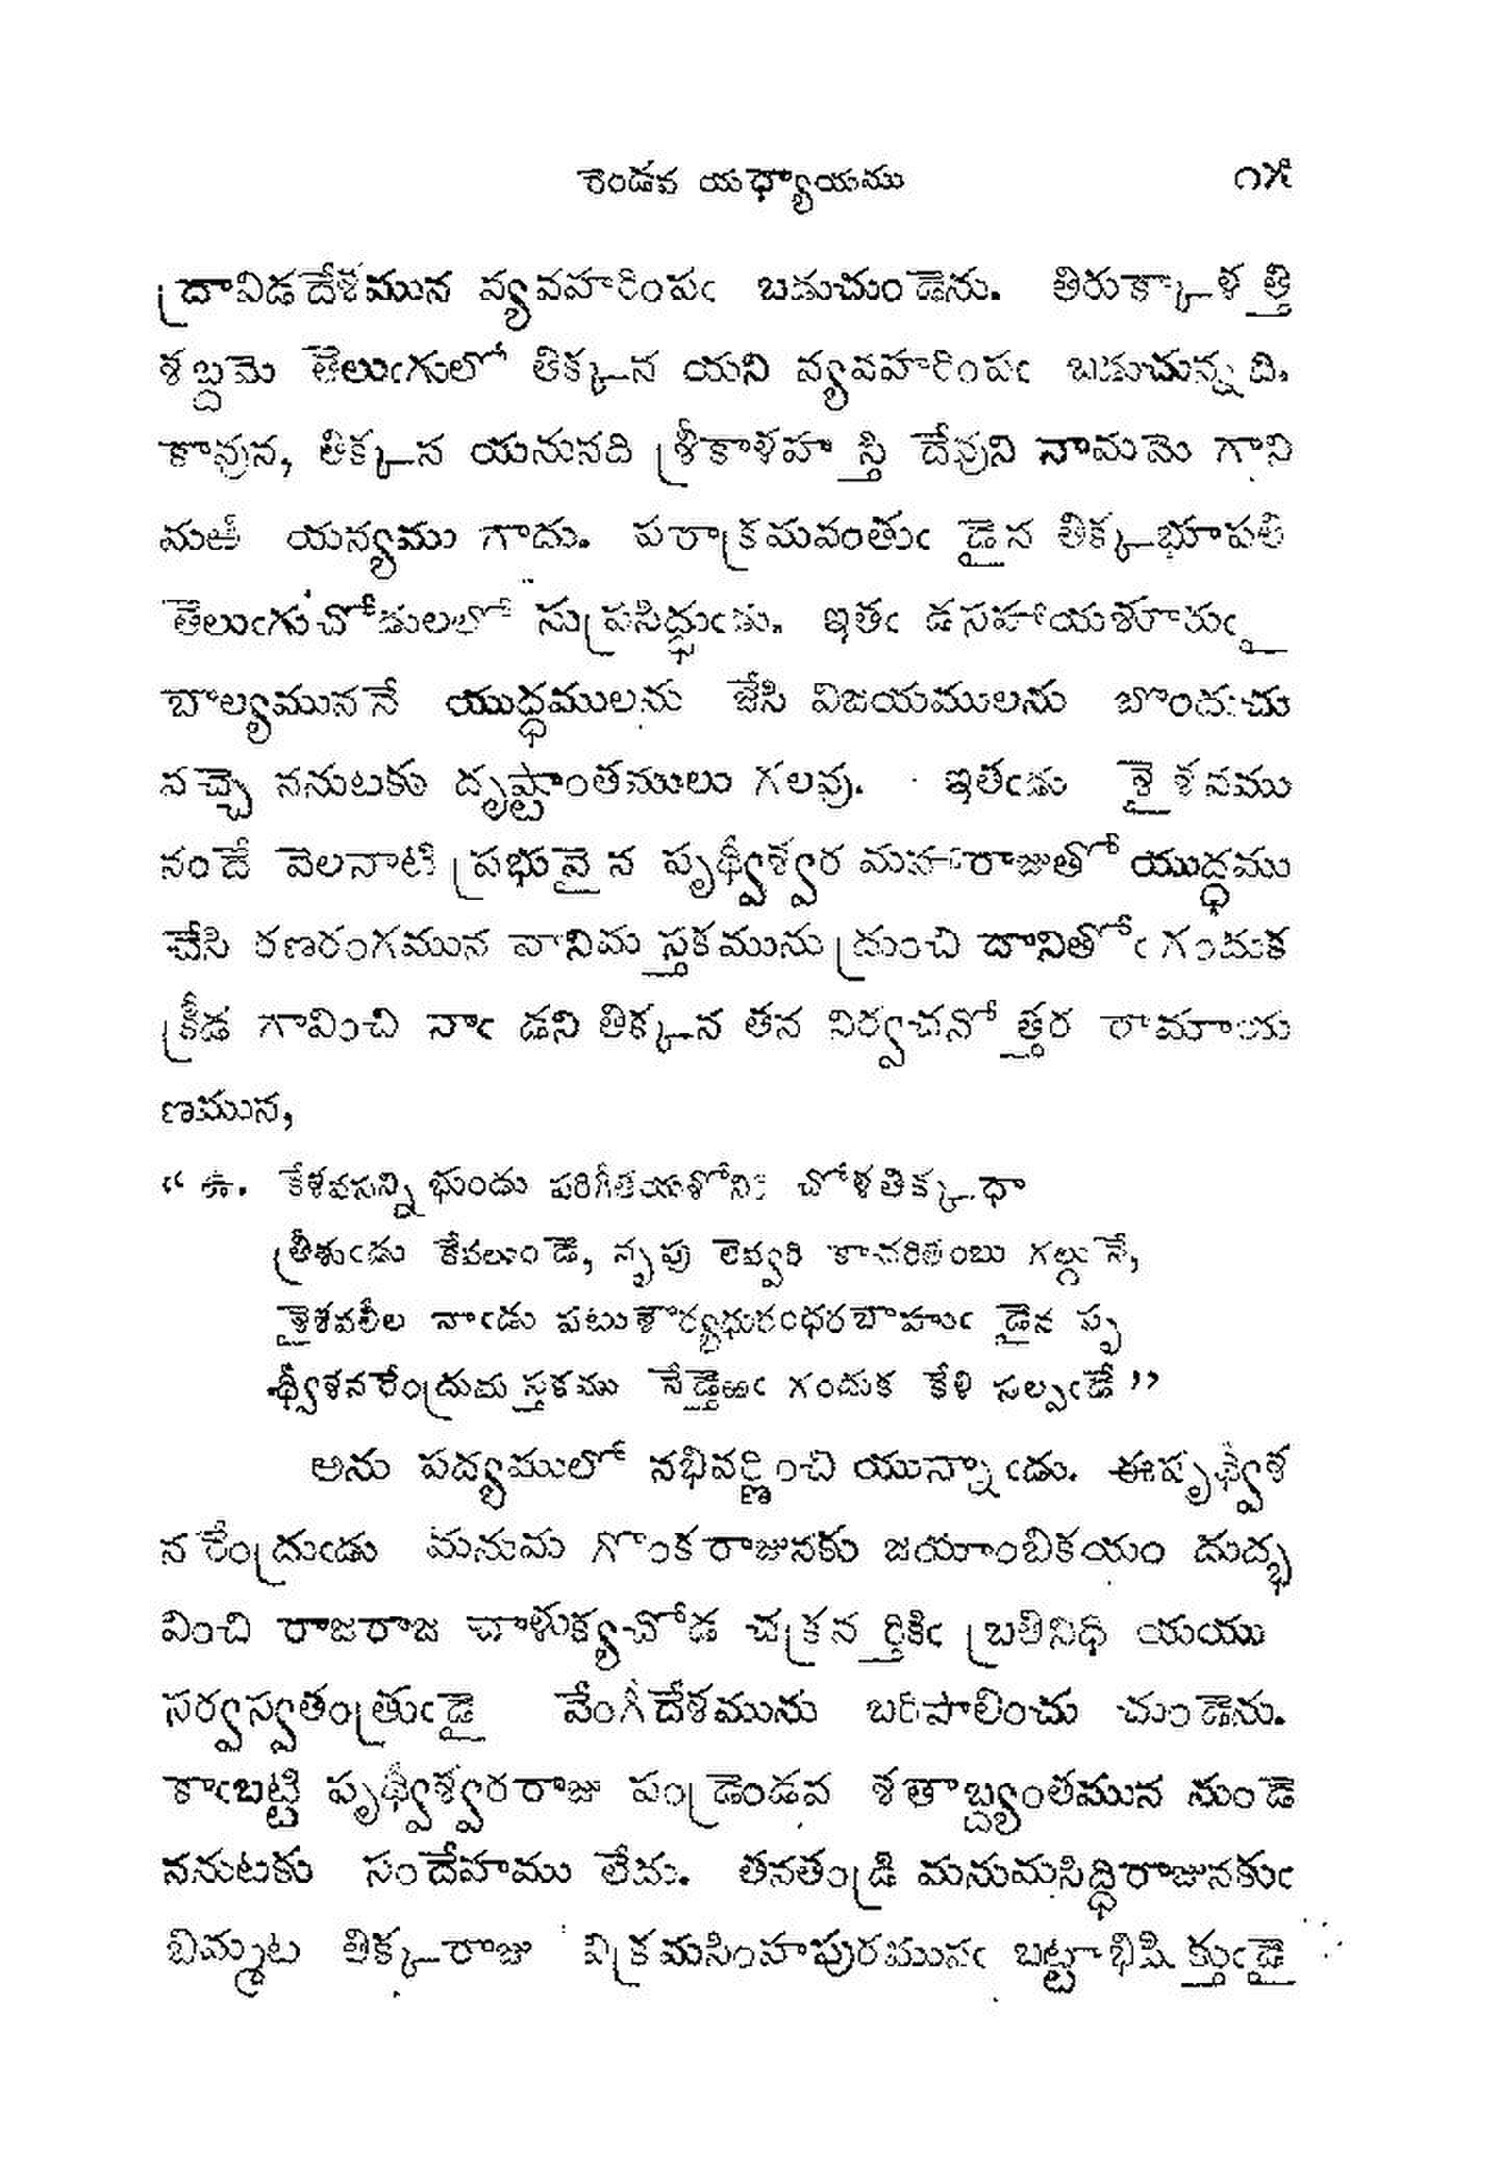ద్రావిడదేశమున వ్యవహరింపఁ బడుచుండెను. తిరుక్కాళత్తి శబ్దమె తెలుఁగులో తిక్కన యని వ్యవహరింపఁ బడుచున్నది. కావున, తిక్కన యనునది శ్రీకాళహస్తి దేవుని నామమే గాని మఱి యన్యము గాదు. పరాక్రమవంతుఁ డైన తిక్కభూపతి తెలుఁగుచోడులలో సుప్రసిద్ధుఁడు. ఇతఁ డసహాయశూరుఁడై బాల్యముననే యుద్ధములను జేసి విజయములను బొందుచు వచ్చె ననుటకు దృష్టాంతములు గలవు. ఇతఁడు శైశవము నందే వెలనాటి ప్రభువైన పృథ్వీశ్వర మహారాజుతో యుద్ధముచేసి రణరంగమున వానిమస్తకమును ద్రుంచి దానితోఁగందుక క్రీడ గావించి నాఁ డని తిక్కన తన నిర్వచనోత్తర రామాయణమున, 

"ఉ. కేశవసన్నిభుండు పరిగీతయశోనికి చోళతిక్కధా
 త్రీశుఁడు కేవలుండె, నృపు లెవ్వరి కాచరితంబు గల్గునే, 
 శైశవలీల నాఁడు పటుశౌర్యధురంధరబాహుఁ డైన పృ
 థ్వీశనరేంద్రుమస్తకము నేడ్తెఱఁ గందుక కేళి సల్పఁడే"
అను పద్యములో నభివర్ణించి యున్నాఁడు. ఈషృథ్వీశ నరేంద్రుఁడు మనుమ గొంకరాజునకు జయాంబికయం దుద్భవించి రాజరాజ చాళుక్యచోళ చక్రవర్తికిఁ బ్రతినిధి యయు సర్వస్వతంత్రుఁడై వేంగీదేశమును బరిపాలించు చుండెను. కాఁబట్టి పృథ్వీశ్వర రాజు పండ్రెండవ శతాబ్ద్యంతమున నుండె ననుటకు సందేహము లేదు. తనతండ్రి మనుమసిద్దిరాజునకుఁ బిమ్మట తిక్కరాజు విక్రమసింహపురమునఁ బట్టాభిషిక్తుడై